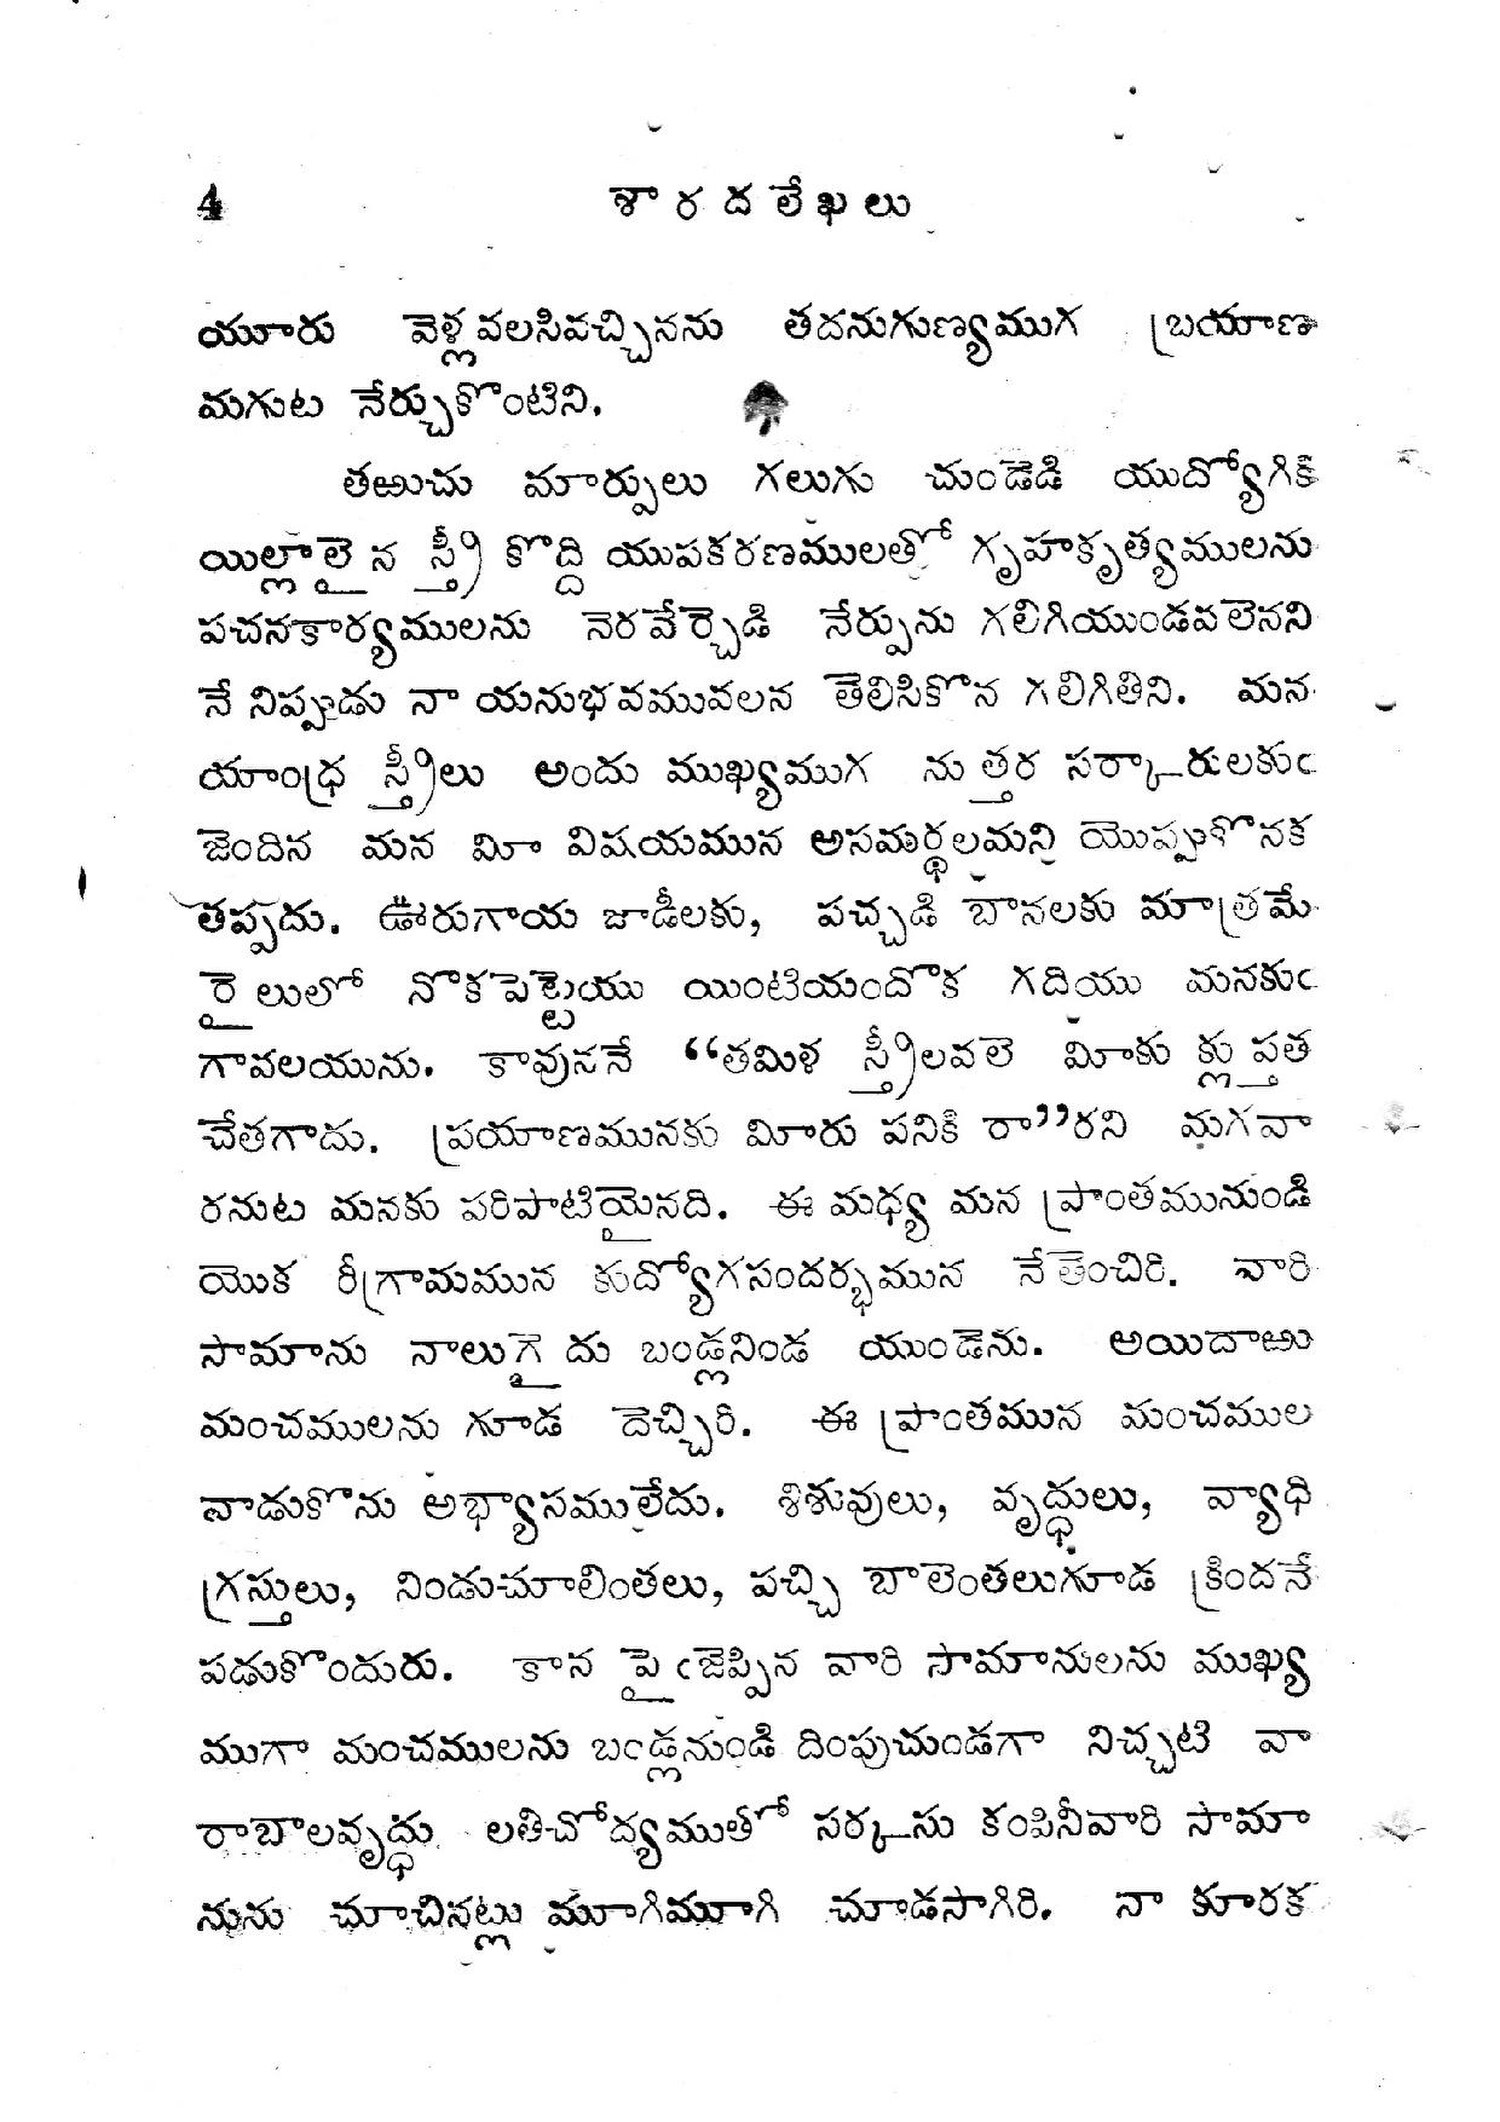యూరు వెళ్లవలసివచ్చినను తదనుగుణ్యముగ బ్రయాణమగుట నేర్చుకొంటిని.

తఱుచు మార్పులు గలుగు చుండెడి యుద్యోగికి యిల్లాలైన స్త్రీ కొద్ది యుపకరణములతో గృహకృత్యములను
పచనకార్యములను నెరవేర్చెడి నేర్పును గలిగియుండవలెనని నే నిప్పుడు నా యనుభవమువలన తెలిసికొన గలిగితిని. మన యాంధ్ర స్త్రీలు అందు ముఖ్యముగ నుత్తర సర్కారులకుఁ జెందిన మన మీ విషయమున అసమర్థలమని యొప్పుకొనక తప్పదు. ఊరగాయ జాడీలకు, పచ్చడి బానలకు మాత్రమే రైలులో నొకపెట్టెయు యింటియందొక గదియు మనకుఁ గావలయును. కావుననే "తమిళ స్త్రీలవలె మీకు క్లుప్తత
చేతగాదు. ప్రయాణమునకు మీరు పనికి రా"రని మగవారనుట మనకు పరిపాటియైనది. ఈ మధ్య మన ప్రాంతమునుండి యొక రీగ్రామమున కుద్యోగసందర్భమున నేతెంచిరి. వారి సామాను నాలుగైదు బండ్లనిండ యుండెను. అయిదాఱు మంచములను గూడ దెచ్చిరి. ఈ ప్రాంతమున మంచముల వాడుకొను అభ్యాసములేదు. శిశువులు, వృద్ధులు, వ్యాధిగ్రస్తులు, నిండుచూలింతలు, పచ్చి బాలెంతలుగూడ క్రిందనే
పడుకొందురు. కాన పైఁజెప్పిన వారి సామానులను ముఖ్యముగా మంచములను బండ్లనుండి దింపుచుండగా నిచ్చటి వారాబాలవృద్ధు లతిచోద్యముతో సర్కసు కంపినీవారి సామానును చూచినట్లు మూగిమూగి చూడసాగిరి. నా కూరక